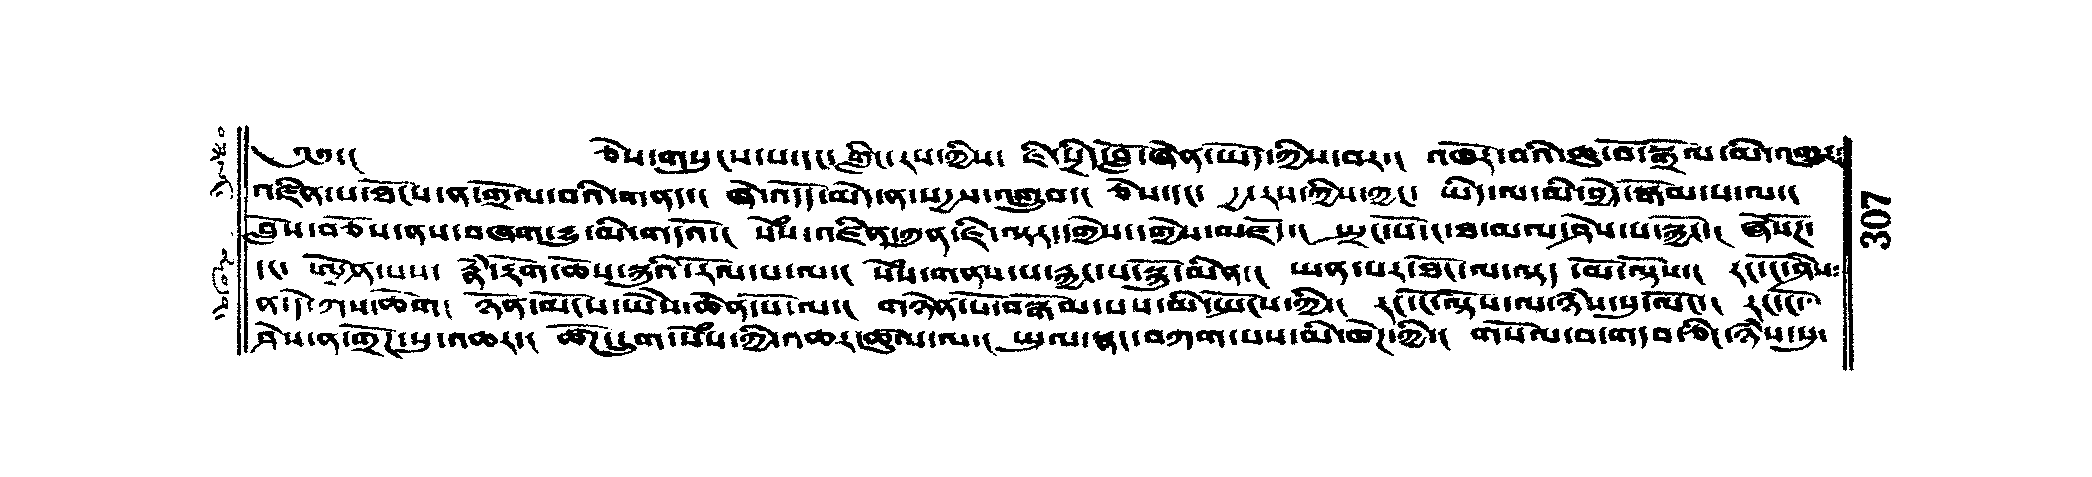ཅེས་གསུངས་པ་དང་། གླིང་རས་ཀྱིས། ཇི་སྲིད་བློ་ཞེན་ཡོད་ཀྱིས་བར། །འཁོར་བའི་ཆུ་བོ་སྒྲོལ་མི་འགྱུར། །
འཛིན་པ་ཐོངས་ན་གྲོལ་བའི་གནད། །ཞེ་འདོད་མེད་ན་སངས་རྒྱས་འགྲུབ།ཅེས་དང་། རྒྱ་རས་ཀྱིས་ཀྱང་། ཡིད་ལ་མི་བྱེད་སྒོམ་པ་ལ། །
བློ་བཅོས་ནས་བཞག་རྒྱུ་མི་གདའ་འོ། །སེམས་འཛིན་ཀུན་ཇི་ལྟར་དགྱེས་དགྱེས་མཛོད། །སྤྲང་པོ་ང་ཐ་མལ་ཤེས་པ་སྐྱོང་། ཞེས་སོགས་
དང་། ཨོ་རྒྱན་པས། རྣམ་རྟོག་ཆོས་སྐུའི་རོལ་པ་ལ། །སེམས་གནས་པ་རྐྱང་པ་ཆོས་སྐུ་མིན། །ཡན་པར་ཐོངས་ལ་ལྟད་མོ་ལྟོས། །རང་ངོ་ཤེས་
ན་དེ་ཀས་ཆོག །ཉོན་མོངས་ཡེ་ཤེས་ཆེན་པོ་ལ། །གཉེན་པོ་བསྒོམ་པས་མི་སྤོངས་ཀྱི། །རང་ངོ་ལྟོས་ལ་ཉམས་སུ་ལོང་། །རང་ངོ་
ཤེས་ན་གྲོགས་སུ་འཆར། །ཚོགས་དྲུག་སེམས་ཀྱི་འཆར་ཚུལ་ལ། །ཡུལ་སྣང་བཀག་པས་མི་ཁེགས་ཀྱི། །གསོལ་བ་གདབ་ཅིང་ཉམས་སུ་